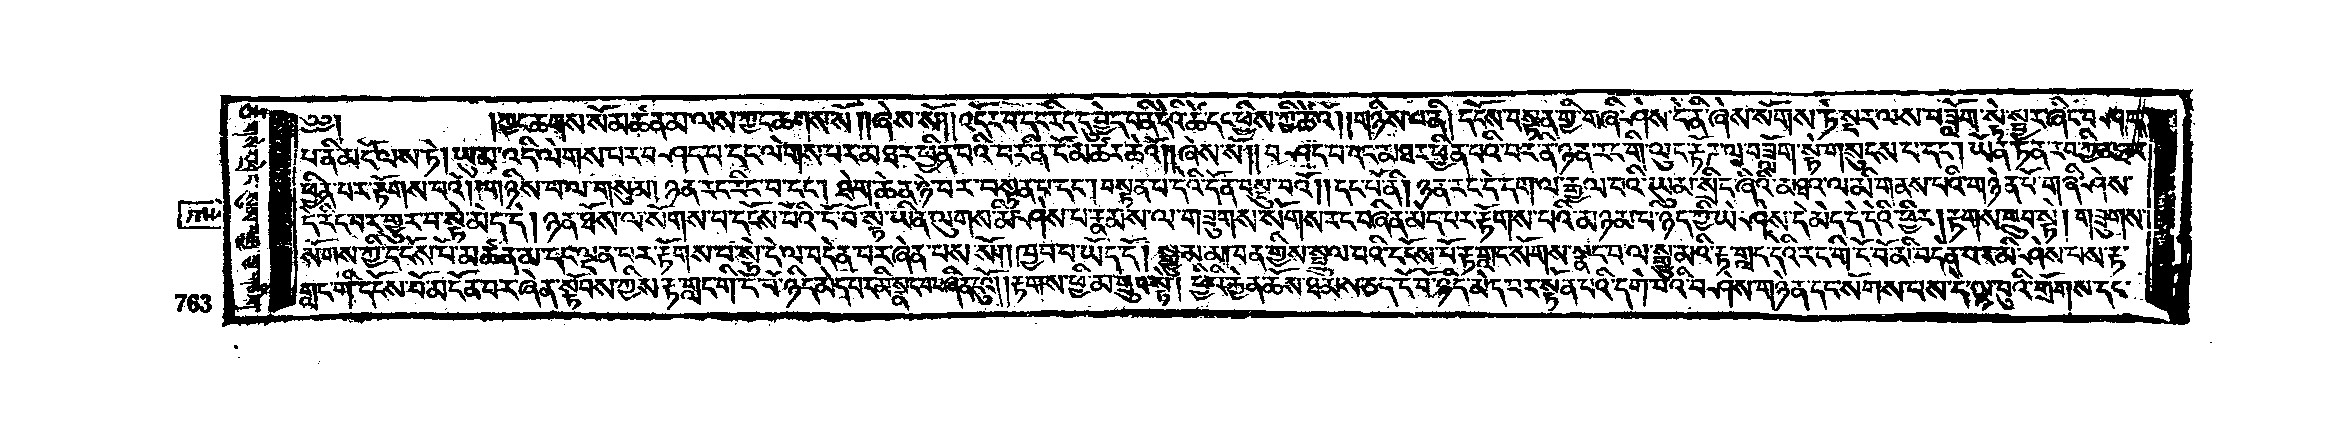༄༅། །ཀྱང་ཆགས་སོ་མཚན་མ་ལས་ཀྱང་ཆགས་སོ། །ཞེས་སོ། །འདོར་བ་དང་རིང་དུ་བྱེད་པ་ནི་དེའི་ཚེ་དང་ཕྱིས་ཀྱི་ཚེའོ། །གཉིས་པ་ནི། དངོས་བསྟན་གྱི་གཞི་ཤེས་དེ་ནི་ཞེས་སོགས་ཏེ་སྔར་ལས་བཟློག་སྟེ་སྦྱར་ཞིང་བཤད་
པ་ནི་མདོ་ལས་ཏེ། ཡུམ་འདི་ལེགས་པར་བཤད་པ་དང་ལེགས་པར་མཐར་ཕྱིན་པའི་བར་ནི་ངོ་མཚར་ཆེའོ། །ཞེས་སོ། །བཤད་པ་དང་མཐར་ཕྱིན་པའི་བར་ནི་ཉན་རང་གི་ལུང་རྟོགས་ལས་བཟློག་སྟེ་གསུངས་པ་དང་། ཡོན་ཏན་རབ་ཀྱི་མཐར་
ཕྱིན་པར་རྟོགས་པའོ། །གཉིས་པ་ལ་གསུམ། ཉན་རང་རིང་བ་དང་། ཐེག་ཆེན་ཉེ་བར་བསྟན་པ་དང་། བསྟན་པ་དེའི་དོན་བསྡུ་བའོ། །དང་པོ་ནི། ཉན་རང་དེ་དག་ལ་རྒྱལ་བའི་ཡུམ་སྲིད་ཞིའི་མཐའ་ལ་མི་གནས་པའི་གཉེན་པོ་གཞི་ཤེས་
དེ་རིང་བར་གྱུར་བ་སྟེ་མེད་དེ། ཉན་ཐོས་ལ་སོགས་པ་དངོས་པོའི་ངོ་བོ་སྟེ་ཡིན་ལུགས་མི་ཤེས་པ་རྣམས་ལ་གཟུགས་སོགས་རང་བཞིན་མེད་པར་རྟོགས་པའི་མཉམ་པ་ཉིད་ཀྱི་ཡེ་ཤེས་དེ་མེད་དེ་དེའི་ཕྱིར། རྟགས་གྲུབ་སྟེ། གཟུགས་
སོགས་ཀྱི་དངོས་པོ་མཚན་མ་དང་ལྡན་པར་རྟོགས་པ་སྟེ་དེ་ལ་བདེན་པར་ཞེན་པས་སོ། །ཁྱབ་པ་ཡོད་དེ། སྒྱུ་མ་མཁན་གྱིས་སྤྲུལ་པའི་དངོས་པོ་རྟ་གླང་སོགས་སྣང་བ་ལ་སྒྱུ་མའི་རྟ་གླང་དེའི་རང་གི་ངོ་བོ་མི་བདེན་པར་མི་ཤེས་པས་རྟ་
གླང་གི་དངོས་པོ་མངོན་པར་ཞེན་སྟོབས་ཀྱིས་རྟ་གླང་གི་ངོ་བོ་ཉིད་མེད་པར་མི་སྣང་བ་བཞིན་དུའོ། །རྟགས་ཕྱི་མ་གྲུབ་སྟེ། ཕྱིའི་རྐྱེན་ཆོས་ཐམས་ཅད་ངོ་བོ་ཉིད་མེད་པར་སྟོན་པའི་དགེ་བའི་བཤེས་གཉེན་དང་སོགས་པས་དེ་ལྟ་བུའི་གྲོགས་དང་